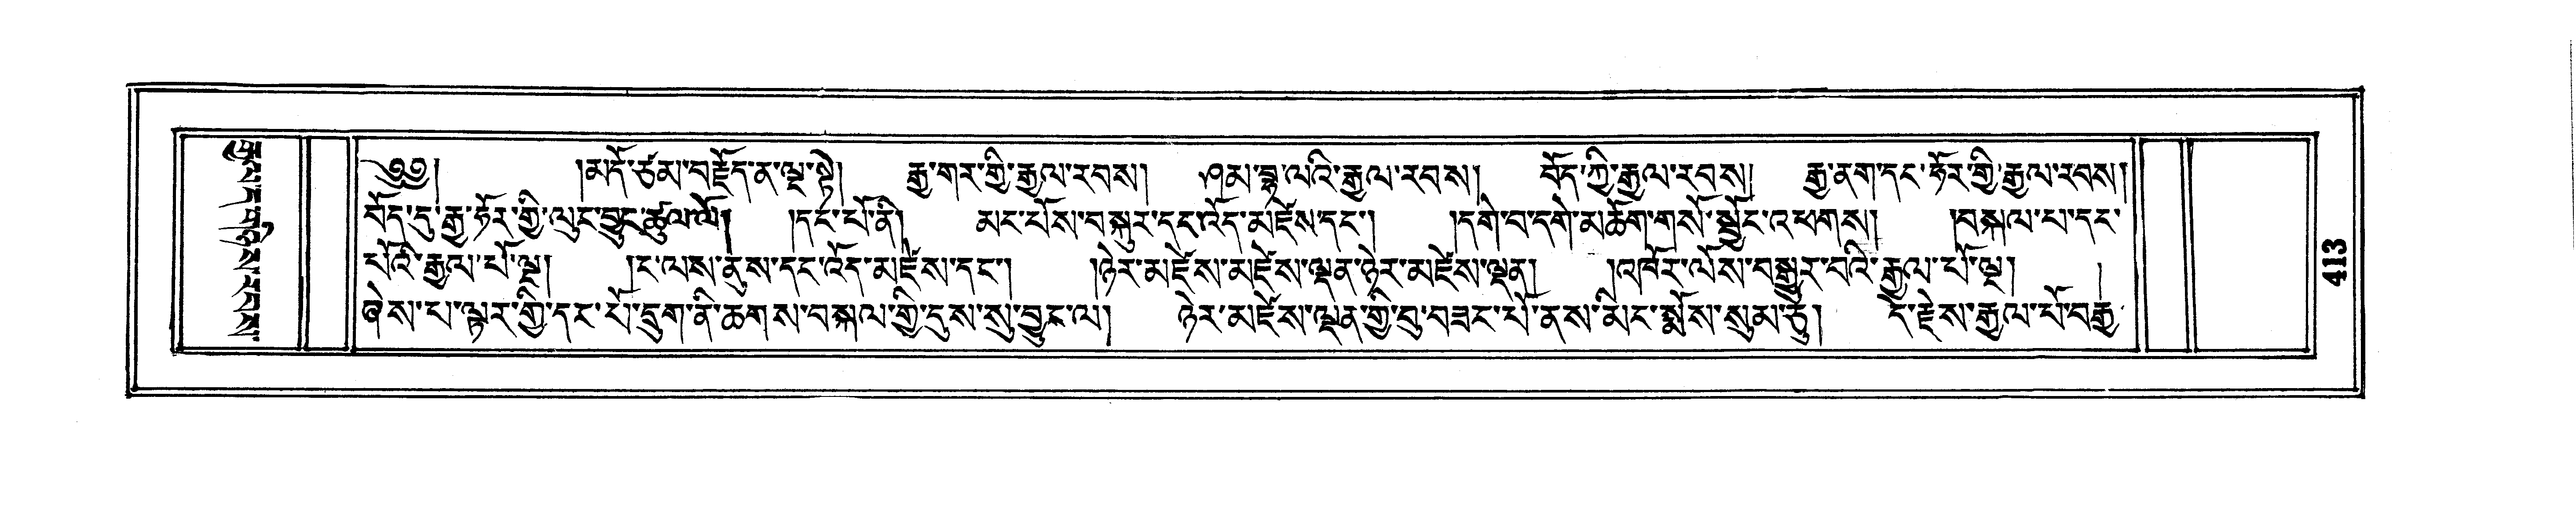༄༅། །མདོ་ཙམ་བརྗོད་ན་ལྔ་སྟེ། རྒྱ་གར་གྱི་རྒྱལ་རབས། ཤམ་བྷ་ལའི་རྒྱལ་རབས། བོད་ཀྱི་རྒྱལ་རབས། རྒྱ་ནག་དང་ཧོར་གྱི་རྒྱལ་རབས།
བོད་དུ་རྒྱ་ཧོར་གྱི་ལུང་བྱུང་ཚུལ་ལོ། །དང་པོ་ནི། མང་པོས་བསྐུར་དང་འོད་མཛེས་དང་། །དགེ་བ་དགེ་མཆོག་གསོ་སྦྱོང་འཕགས། །བསྐལ་པ་དང་
པོའི་རྒྱལ་པོ་ལྔ། །ང་ལས་ནུས་དང་འོད་མཛེས་དང་། །ཉེར་མཛེས་མཛེས་ལྡན་ཉེར་མཛེས་ལྡན། །འཁོར་ལོས་བསྒྱུར་བའི་རྒྱལ་པོ་ལྔ། །
ཞེས་པ་ལྟར་གྱི་དང་པོ་དྲུག་ནི་ཆགས་བསྐལ་གྱི་དུས་སུ་བྱུང་ལ། ཉེར་མཛེས་ལྡན་གྱི་བུ་བཟང་པོ་ནས་མིང་སྨོས་སུམ་ཅུ། དེ་རྗེས་རྒྱལ་པོ་བརྒྱ་